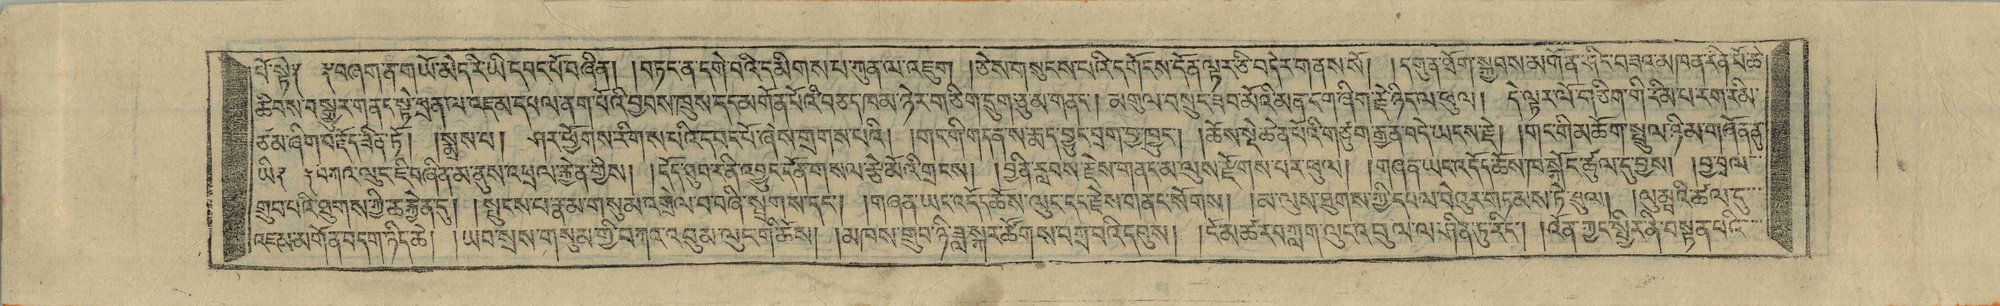པོ་སྟེ། །བཞག་ན་གཡོ་མེད་རི་ཡི་དབང་པོ་བཞིན། །བཏང་ན་དགེ་བའི་དམིགས་པ་ཀུན་ལ་འཇུག །ཅེས་གསུངས་པའི་དགོངས་དོན་ལྟར་ཅི་བདེར་གནས་སོ། །དགུན་ཐོག་སྐྱབས་མགོན་ཤིང་བཟའ་མཁན་རིན་པོ་ཆེ་
ཆིབས་བསྒྱུར་གནང་སྟེ་ཕྲན་ལ་འཇམ་དཔལ་ནག་པོའི་བྱབས་ཁྲུས་དང་མགོན་པོའི་བཅད་ཁམ་ཉེར་གཅིག་དྲུག་ཅུ་མ་གནང་། མགུལ་བསྲུང་ཟབ་མོའི་མན་ངག་ཞིག་རྗེ་ཉིད་ལ་ཕུལ། དེ་ལྟར་ལོ་གཅིག་གི་རིམ་པ་རག་རིམ་
ཙམ་ཞིག་བརྗོད་ཟིན་ཏོ། །སྨྲས་པ། ཤར་ཕྱོགས་རིགས་པའི་དབང་པོ་ཞེས་གྲགས་པའི། །གང་གི་གདན་ས་རྨད་བྱུང་བྲག་བྱ་ཁྱུང་། །ཆོས་སྡེ་ཆེན་པོའི་གཙུག་རྒྱན་བདེ་ཡངས་རྗེ། །གང་གི་མཆོག་སྤྲུལ་ཉི་མ་གཞོན་ནུ་
ཡི། །བཀའ་ལུང་ཇི་བཞིན་མ་ནུས་འཕྲལ་རྐྱེན་གྱིས། །དོད་ཐུབ་རིན་འབྱུང་དོན་གསལ་རྩེ་མོའི་གྲངས། །བྱིན་རླབས་རྗེས་གནང་མ་ལུས་རྫོགས་པར་ཕུལ། །གཞན་ཡང་འདོད་ཆོས་ཁ་སྐོང་ཚུལ་དུ་བྱས། །བྱ་བྲལ་
གྲུབ་པའི་ཐུགས་ཀྱི་ཆ་རྐྱེན་དུ། །སྤུངས་པ་རྣམ་གསུམ་འགྲེལ་བ་བཞི་སྦྲགས་དང་། །གཞན་ཡང་འདོད་ཆོས་ལུང་དང་རྗེས་གནང་སོགས། །མ་ལུས་ཐུགས་ཀྱི་དཔལ་བེའུར་གཏམས་ཏེ་ཕུལ། །ལུམྦའི་ཚལ་དུ་
འཇམ་མགོན་བདག་ཉིད་ཆེ། །ཡབ་སྲས་གསུམ་གྱི་བཀའ་འབུམ་ལུང་གི་ཆོས། །མཁས་གྲུབ་ཉི་ཟླ་སྐར་ཚོགས་བཀྲ་བའི་དབུས། །ངོ་མཚར་བཀླག་ལུང་འབུལ་ལ་ཤིན་ཏུ་རིང་། །འོན་ཀྱང་སྤྱིར་ནི་བསྟན་པའི་